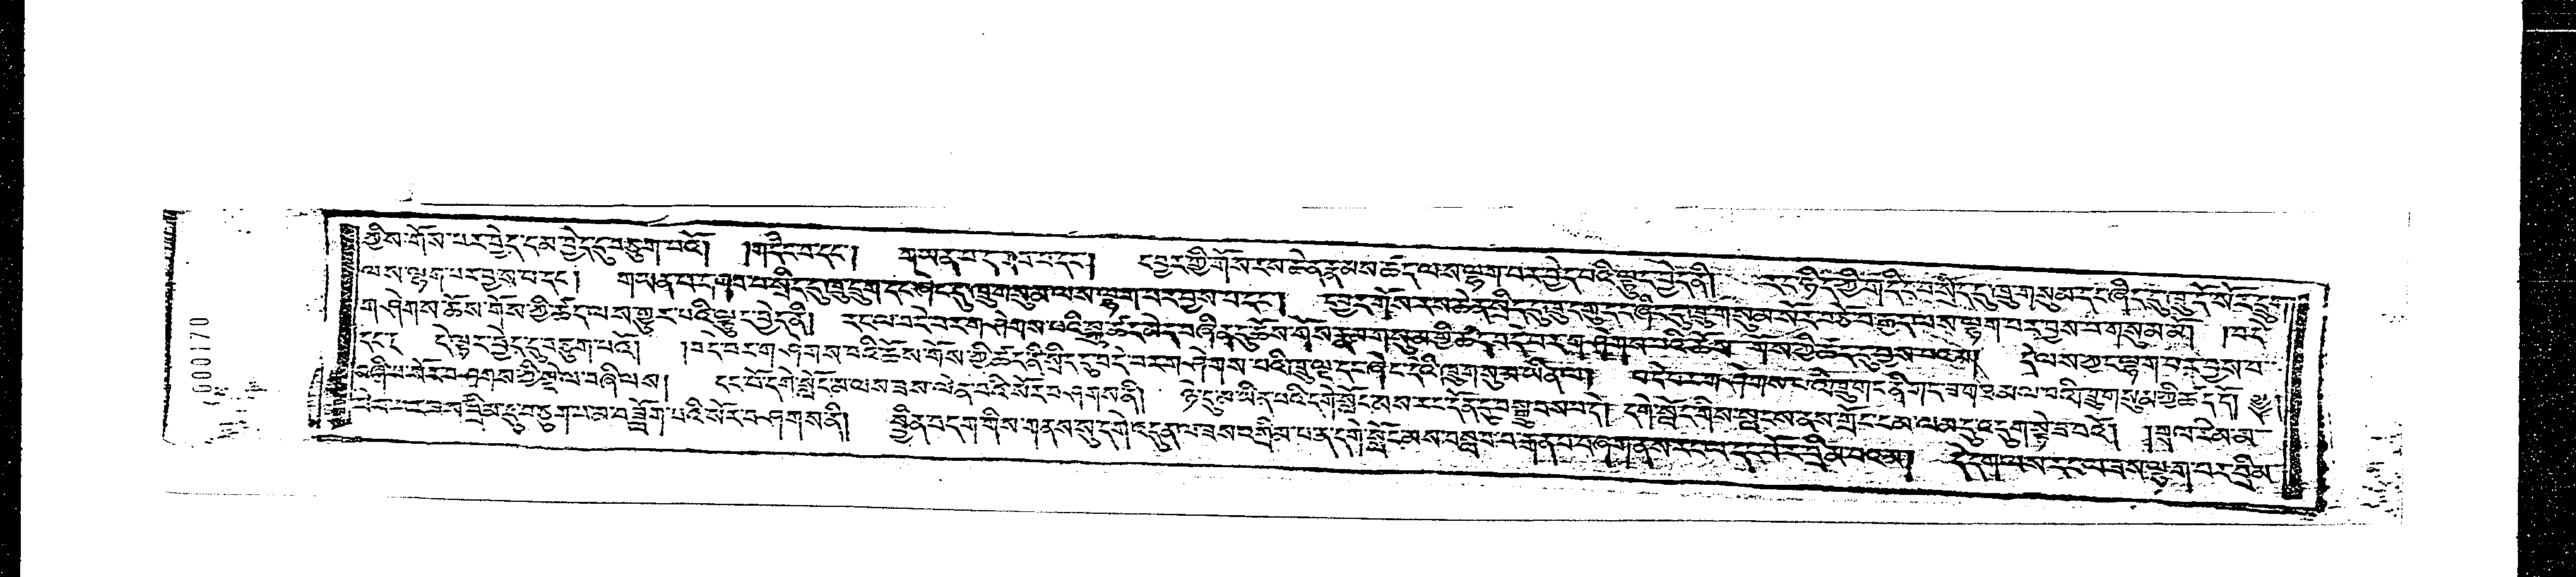ཀྱིས་གོས་པར་བྱེད་དམ་བྱེད་དུ་བཅུག་པའོ། །གདིང་བ་དང་། གཡན་པ་དགབ་པ་དང་། དབྱར་གྱི་གོས་རས་ཆེན་རྣམས་ཚད་ལས་ལྷག་པར་བྱེད་པའི་ལྟུང་བྱེད་ནི། རང་ཉིད་ཀྱི་གདིང་བ་སྲིད་དུ་ཁྲུ་གསུམ་དང་ཞིང་དུ་ཁྲུ་དོ་སོར་དྲུག་
ལས་ལྷག་པར་བྱས་པ་དང་། གཡན་པ་དགབ་པ་སྲིད་དུ་ཁྲུ་དྲུག་དང་ཞེང་དུ་ཁྲུ་གསུམ་ལས་ལྷག་པར་བྱས་པ་དང་། དབྱར་གོས་རས་ཆེན་སྲིད་དུ་ཁྲུ་དགུ་དང་ཞིང་དུ་ཁྲུ་གསུམ་སོར་བཅོ་བརྒྱད་ལས་ལྷག་པར་བྱས་པ་གསུམ་མོ། །བདེ་
གཤེགས་ཆོས་གོས་ཀྱི་ཚད་ལས་གྱུར་པའི་ལྟུང་བྱེད་ནི། རང་ལ་བདེ་བར་གཤེགས་པའི་སྐུ་ཚད་མེད་བཞིན་དུ་ཆོས་གོས་རྣམ་གསུམ་གྱི་ཚད་བདེ་བར་གཤེགས་པའི་ཆོས་གོས་ཀྱི་ཚད་དུ་བྱས་པའམ། དེ་ལས་ཀྱང་ལྷག་པར་བྱས་པ་
དང༑ དེ་ལྟར་བྱེད་དུ་བཅུག་པའོ། །བདེ་བར་གཤེགས་པའི་ཆོས་གོས་ཀྱི་ཚད་ནི་སྲིད་དུ་བདེ་བར་གཤེགས་པའི་ཁྲུ་ལྔ་དང་ཞེང་དེའི་ཁྲུ་གསུམ་ཡིན་ལ། བདེ་བར་གཤེགས་པའི་ཁྲུ་གང་ནི་གང་ཟག་ཐ་མལ་པའི་ཁྲུ་གསུམ་ཀྱི་ཚད་དོ། ༈ །
བཞི་པ་སོར་བཤགས་ཀྱི་སྡེ་ལ་བཞི་ལས། དང་པོ་དགེ་སློང་མ་ལས་ཟས་ལེན་པའི་སོར་བཤགས་ནི། ཉེ་དུ་མ་ཡིན་པའི་དགེ་སློང་མས་རང་དོན་དུ་བསྒྲུབས་པ་དེ། དགེ་སློང་གིས་སྤངས་ནས་གྲོང་ངམ་ལམ་དུ་འདུག་སྟེ་ཟ་བའོ། །གྲལ་རིམ་མ་
བེབ་པར་ཟས་བྲིམ་དུ་བཅུག་པ་མ་བཟློག་པའི་སོར་བཤགས་ནི། སྦྱིན་བདག་གིས་གནས་སུ་དགེ་འདུན་ལ་ཟས་འགྲིམ་པ་ན་དགེ་སློང་མས་བསླབ་བ་རྒན་པ་བཞག་ནས་རང་ལ་དང་པོར་བྲིམ་བའམ། དེ་དག་ལས་རང་ལ་ཟས་ལྷག་པར་བྲིམ་